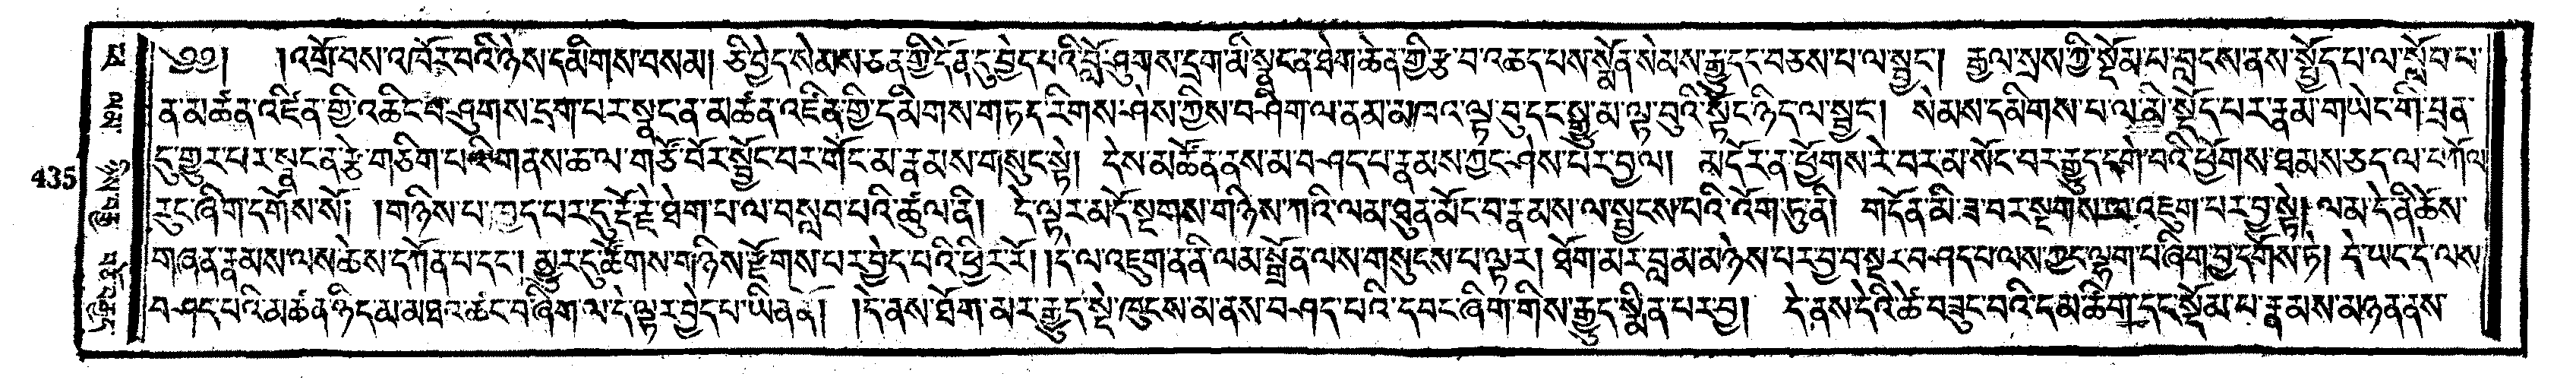༄༅། །འགྲོ་བས་འཁོར་བའི་ཉེས་དམིགས་བསམ། ཅི་བྱེད་སེམས་ཅན་གྱི་དོན་དུ་བྱེད་པའི་བློ་ཤུགས་དྲག་མི་སྣང་ན་ཐེག་ཆེན་གྱི་རྩ་བ་འཆད་པས་སྨོན་སེམས་རྒྱུ་དང་བཅས་པ་ལ་སྦྱང་། རྒྱལ་སྲས་ཀྱི་སྡོམ་པ་བླངས་ནས་སྤྱོད་པ་ལ་སློབ་པ་
ན་མཚན་འཛིན་གྱི་འཆིང་བཤུགས་དྲག་པར་སྣང་ན་མཚན་འཛིན་གྱི་དམིགས་གཏད་རིགས་ཤེས་ཀྱིས་བཤིག་ལ་ནམ་མཁའ་ལྟ་བུ་དང་སྒྱུ་མ་ལྟ་བུའི་སྟོང་ཉིད་ལ་སྦྱང་། སེམས་དམིགས་པ་ལ་མི་སྡོད་པར་རྣམ་གཡེང་གི་བྲན་
དུ་གྱུར་པར་སྣང་ན་རྩེ་གཅིག་པའི་གནས་ཆ་ལ་གཙོ་བོར་སྦྱོང་བར་གོང་མ་རྣམས་གསུང་སྟེ། དེས་མཚོན་ནས་མ་བཤད་པ་རྣམས་ཀྱང་ཤེས་པར་བྱ་ལ། མདོར་ན་ཕྱོགས་རེ་བར་མ་སོང་བར་རྒྱུད་དགེ་བའི་ཕྱོགས་ཐམས་ཅད་ལ་བཀོལ་
རུང་ཞིག་དགོས་སོ། །གཉིས་པ་ཁྱད་པར་དུ་རྡོ་རྗེ་ཐེག་པ་ལ་བསླབ་པའི་ཚུལ་ནི། དེ་ལྟར་མདོ་སྔགས་གཉིས་ཀའི་ལམ་ཐུན་མོང་བ་རྣམས་ལ་སྤྱངས་པའི་འོག་ཏུ་ནི། གདོན་མི་ཟ་བར་སྔགས་ལ་འཇུག་པར་བྱ་སྟེ། ལམ་དེ་ནི་ཆོས་
གཞན་རྣམས་ལས་ཆེས་དཀོན་པ་དང་། མྱུར་དུ་ཚོགས་གཉིས་རྫོགས་པར་བྱེད་པའི་ཕྱིར་རོ། །དེ་ལ་འཇུག་ན་ནི་ལམ་སྒྲོན་ལས་གསུངས་པ་ལྟར། ཐོག་མར་བླ་མ་མཉེས་པར་བྱ་བ་སྔར་བཤད་པ་ལས་ཀྱང་ལྷག་པ་ཞིག་བྱ་དགོས་ཏེ། དེ་ཡང་དེ་ལས་
བཤད་པའི་མཚན་ཉིད་མ་མཐའ་ཚང་བ་ཞིག་ལ་དེ་ལྟར་བྱེད་པ་ཡིན་ནོ། །དེ་ནས་ཐོག་མར་རྒྱུད་སྡེ་ཁུངས་མ་ནས་བཤད་པའི་དབང་ཞིག་གིས་རྒྱུད་སྨིན་པར་བྱ། དེ་ནས་དེའི་ཚེ་བཟུང་བའི་དམ་ཚིག་དང་སྡོམ་པ་རྣམས་མཉན་ནས་